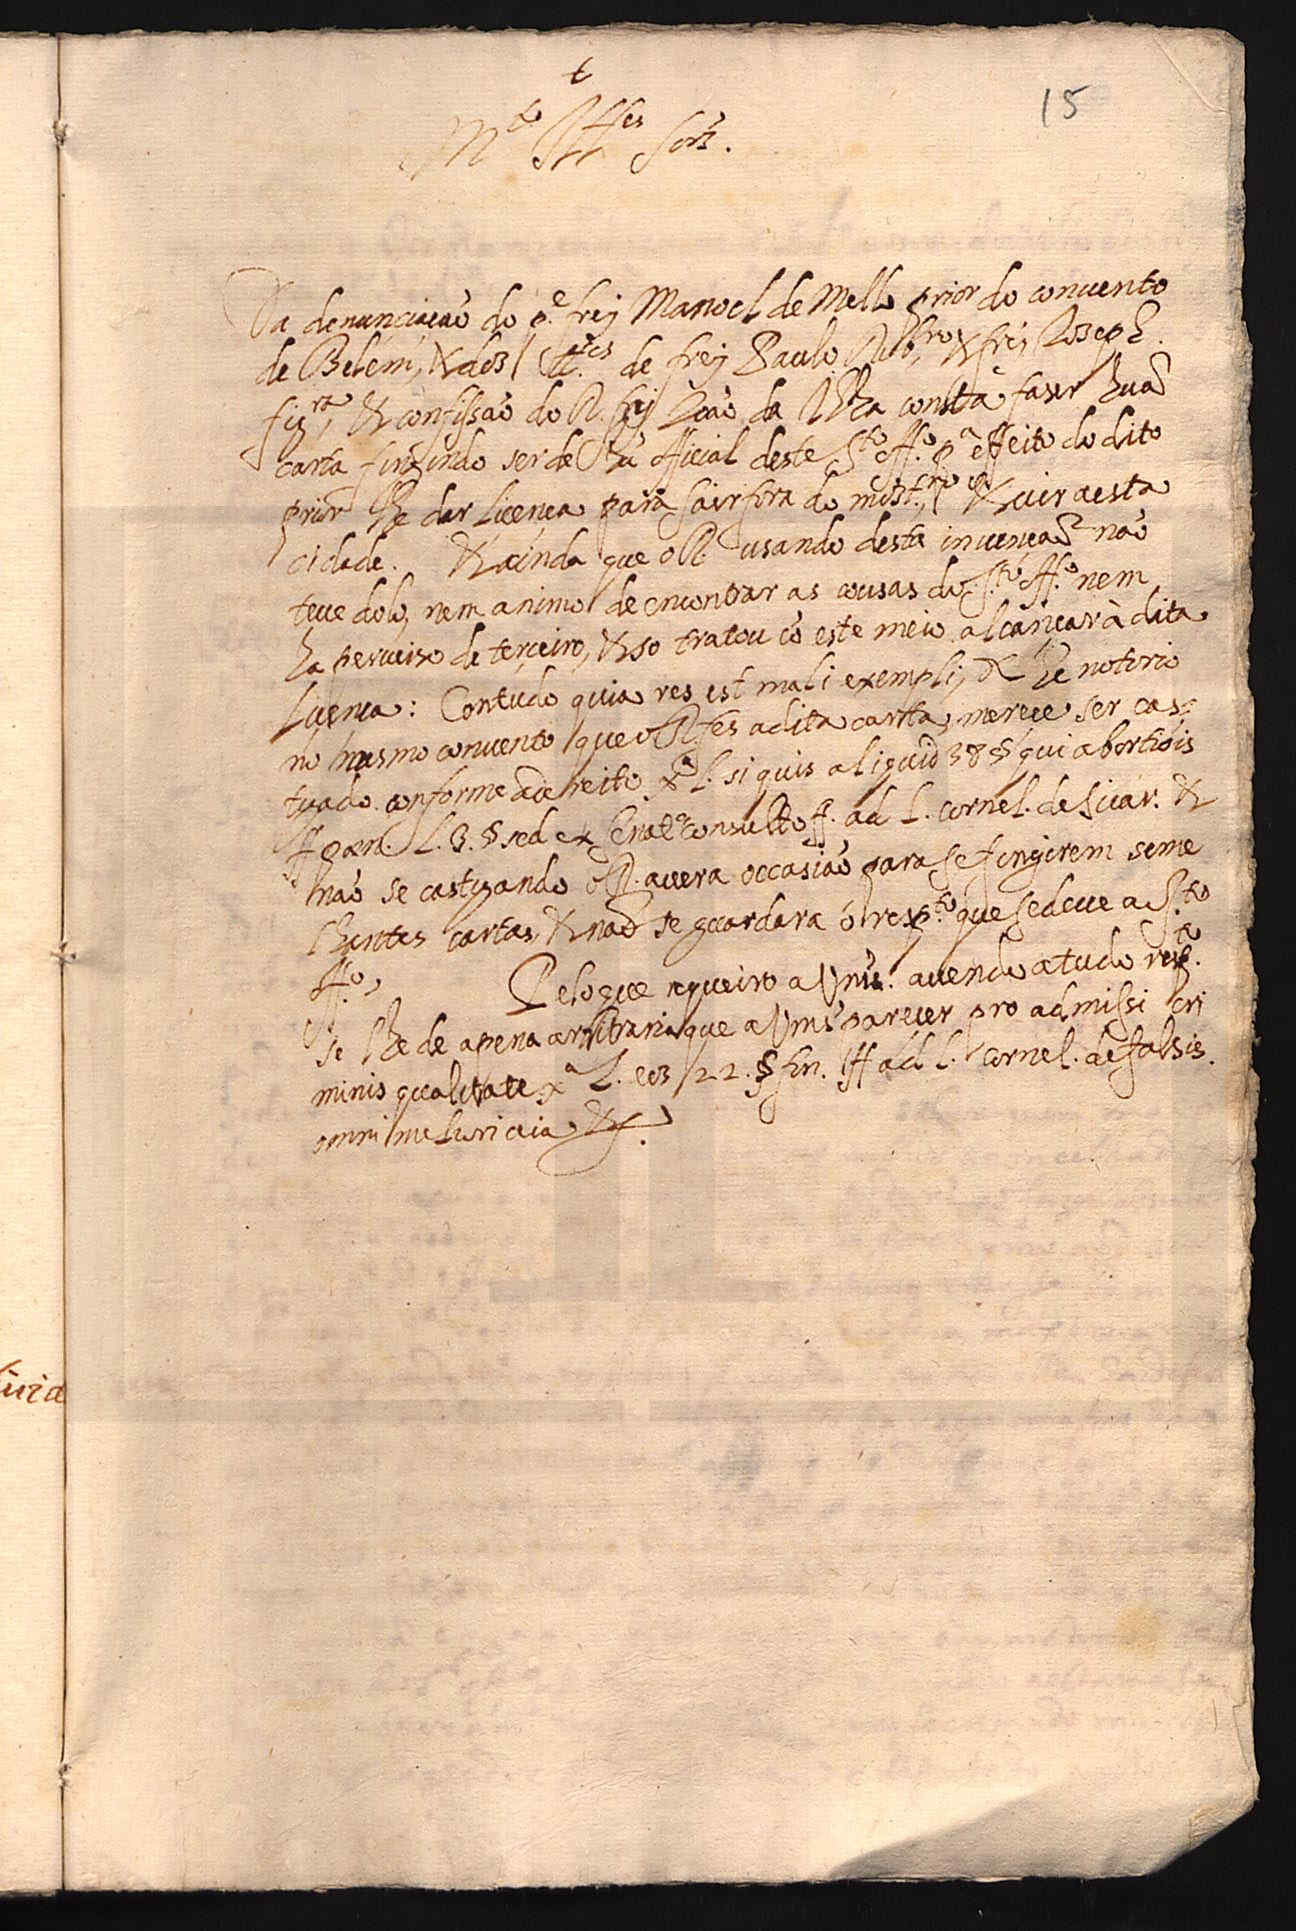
Mto Il̄l.es Sors̄.
Da denunciaçaõ do pe frej Manoel de Mello prior do conuento
de Belem, & dos tt.os de frej Paulo Ribro, & frei Iozeph.
figra, & confissaõ do R frej Joaõ da Ilha consta faser huā
carta fingindo ser de hū official deste Sto off.o p.a effeito do dito
prior lhe dar licença para Sair fora do most.ro, & uir a esta
cidade. & ainda que o R. usando desta inuençaõ naõ
teue dolo, nem animo de encontrar as cousas do S.to off.o nem
ha periuiso de terceiro, & so tratou cō este meio alcançar à dita
Licença: Contudo quia res est mali exempli, & he notorio
no mesmo conuento que o R fes a dita carta, merece ser cas
tigado conforme a dereito xa l. si quis aliquid 38 § qui abortiōis
ff pæn. l. 3. § sed ex Senato consulto ff. ad l. cornel. de Suar. &
naõ se castigando o R. auera occasiaõ para se fingirem seme
lhantes cartas, & naõ se guardara ó resp.to que se deue ao S.to
off.o,
Pelo que requeiro a V ms̄. auendo a tudo resp.to
se lhe de a pena arbitraria que a V ms̄. parecer pro admissi cri
minis qualitate xa L. eos 22. § fin ff ad l. cornel. de falsis
omni meliori aia &ꝭ.
